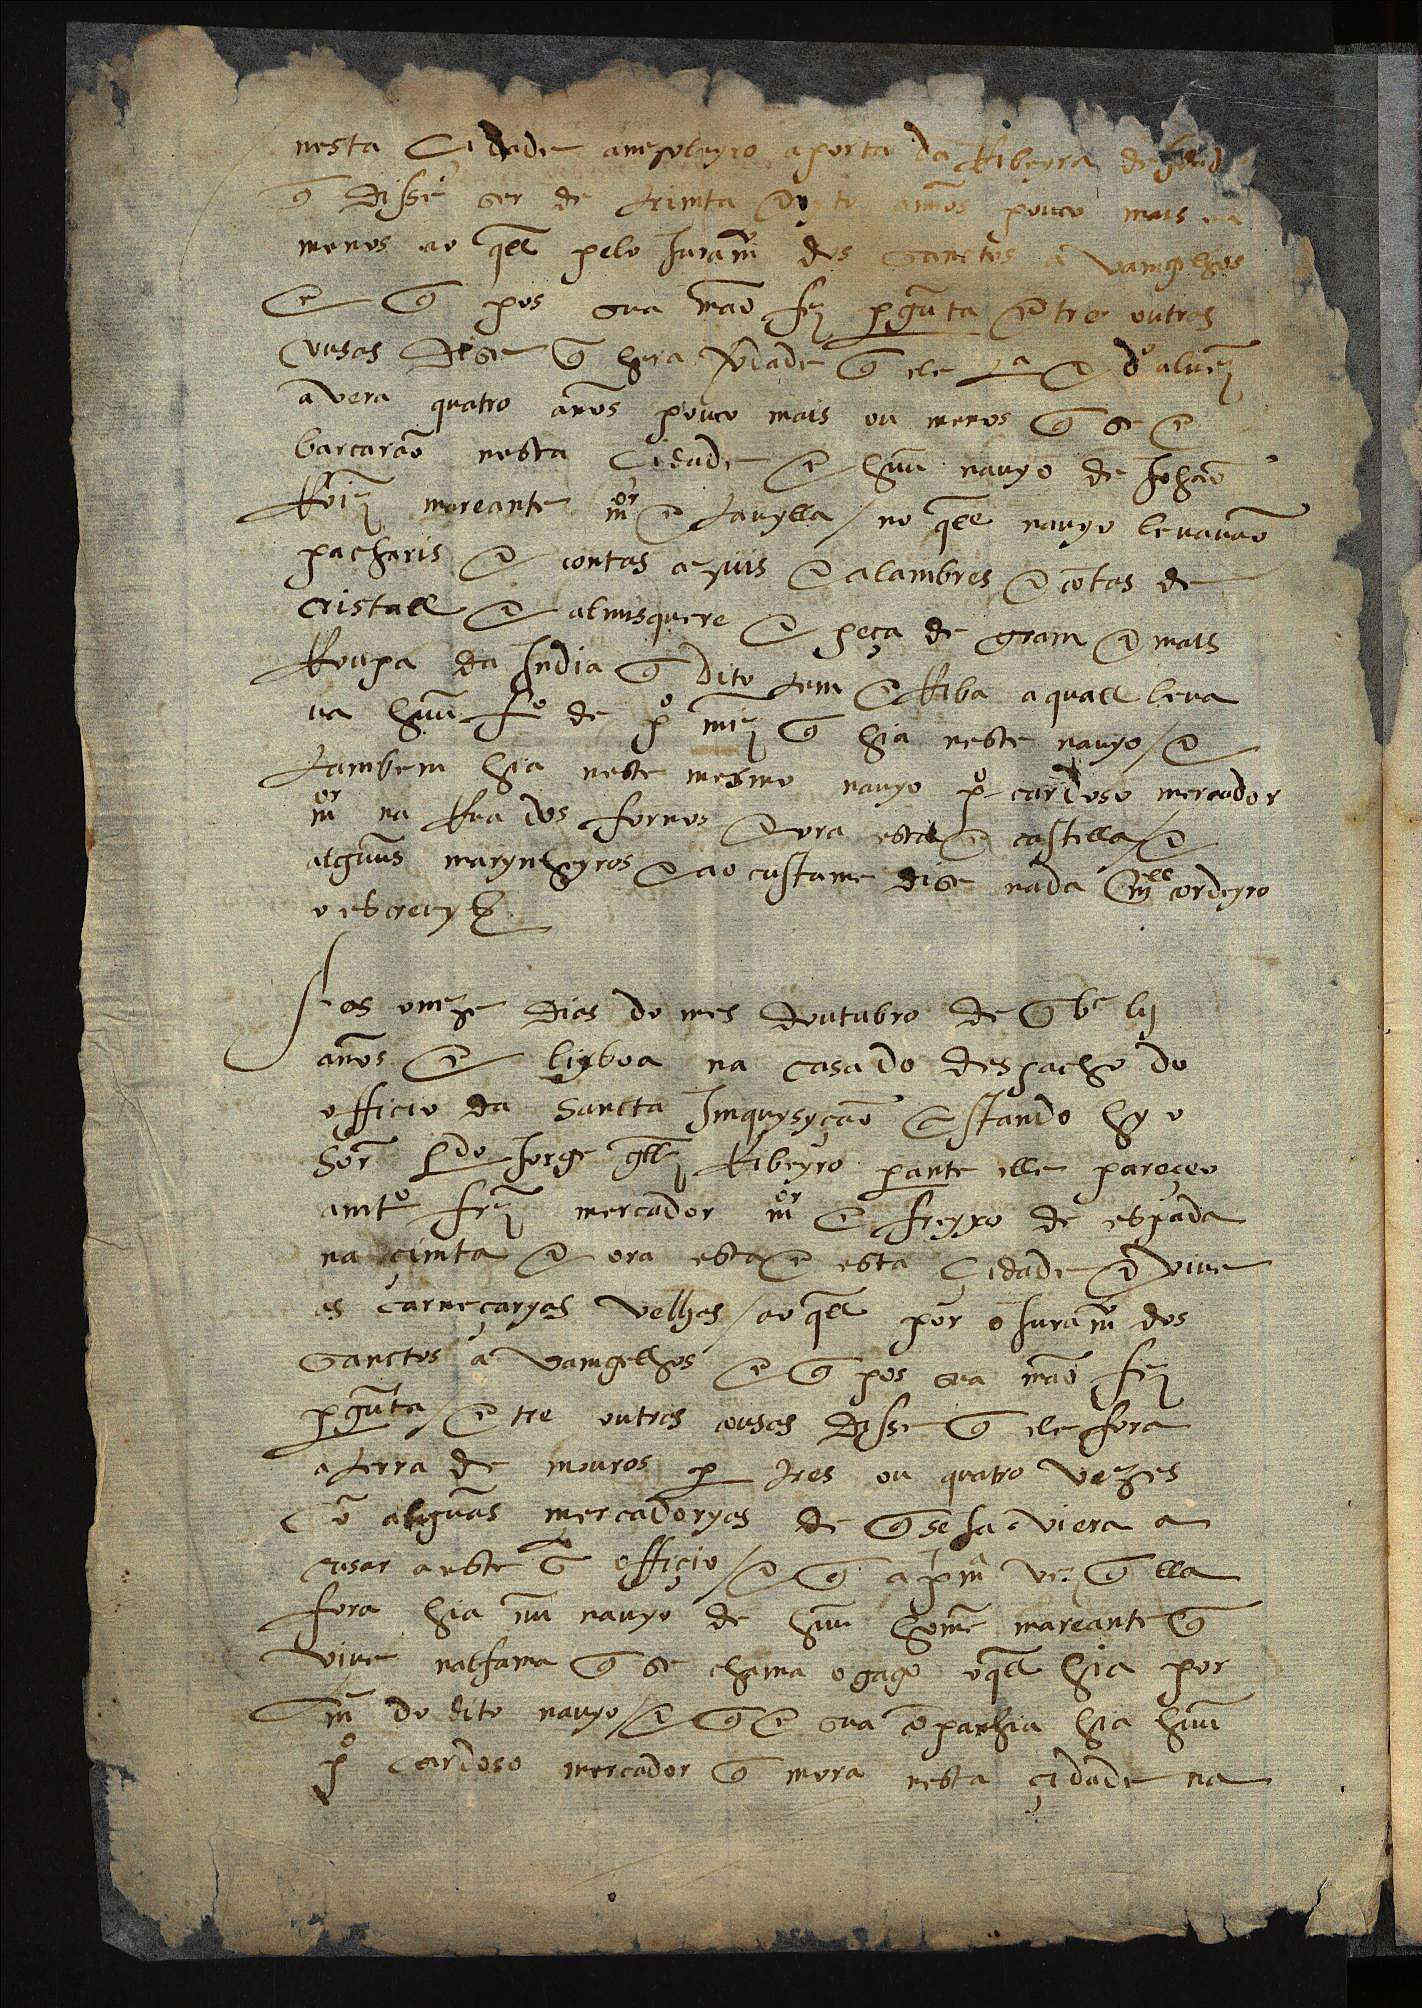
nesta Çidade amzoleyro a porta da Ribeyra de
q̅ disse ser de trimta e oyto an̅nos pouco mais ou
menos ao q̅ll pelo Juramto dos sanctos avangelhos
ē q̅ pos sua mão fez ꝑg̅uta e̅tre outras
Cousas dise q̅ hera ꝟdade q̅ ele ta e do alue̅z
avera quatro an̅os pouco mais ou menos q̅ se e̅
barcara̅o nesta Çidade e̅ hu̅u nauyo de Johaõ
Ro̅iz mareante mor e̅ tauylla / no q̅ll nauyo leuauão
pacharis e contas azuis e alambres e c̅otas de
cristall e almisquere e peça de gram q̅ mais
Roupa da Jndia q̅ dito tem e̅ Riba a quall leua
ua hu̅u fo de po m̅iz q̅ hia neste nauyo / e
tambem hia neste mesmo nauyo po cardoso mercador
mor na Rua dos fornos e ora esta e̅ castella / e
algu̅us marynheyros e ao custume dise nada mell cordeyro
o escreuy
Aos omze dias do mes doutubro de j̄ bc lij
an̅os e̅ lixboa na casa do despacho do
officio da Sancta Jmquysyção Estando hy o
So̅r Ldo Jorge g̅llz Ribeyro ꝑante elle pareçeo
amto frz̄ mercador mor e̅ freyxo de espada
na çimta e ora esta e̅ esta Çidade e viue
as carneçaryas velhas / ao q̅ll por o Juramto dos
sanctos avamgelhos e̅ q̅ pos sua mão fez
ꝑg̅uta / e̅tre outras cousas Disse q̅ ele fora
a terra de mouros ꝑ tres ou quatro vezes
co̅ algu̅as mercadoryas de q̅ se ja o viera a
cusar a este sto offiçio / e q̅ a pima vez q̅ lla
fora hia n̅u nauyo de hu̅u homē mareante q̅
viue nalfama q̅ se chama o gago o q̅ll hia por
mte do dito nauyo / e q̅ e̅ sua c̅opanhia hia hu̅u
po cardoso mercador q̅ mora nesta çidade na
